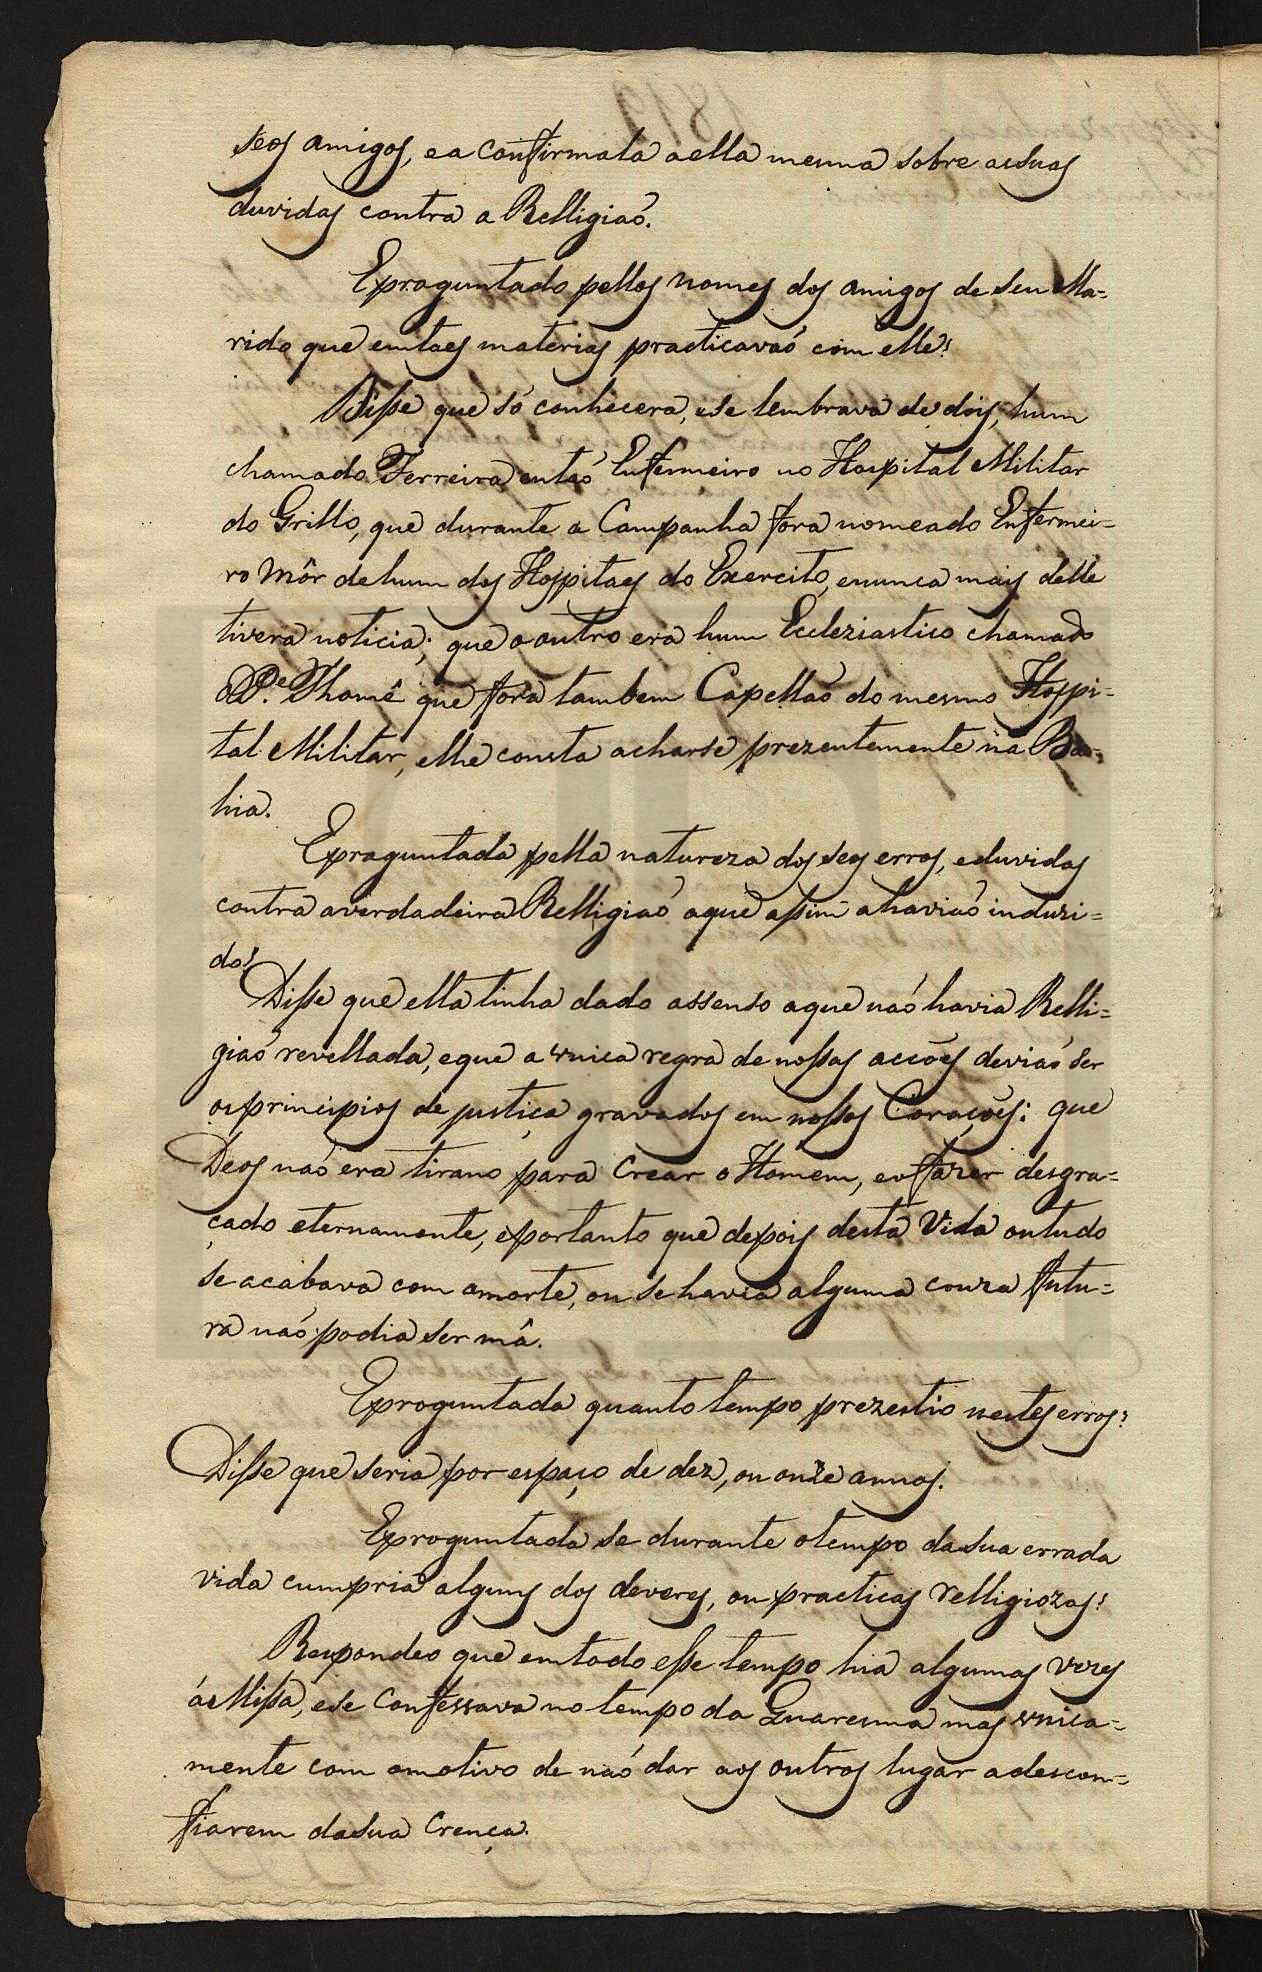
seos amigos, e a confirmala a ella mesma sobre as suas
duvidas contra a Relligiaõ.
E proguntado pellos nomes dos amigos de seu Ma
rido que em taes materias practicavaõ com elle?
Disse que só conhecera, e se lembrava de dois, hum
chamado Ferreira entaõ Enfermeiro no Hospital Militar
do Grillo, que durante a Campanha fora nomeado Enfermei
ro môr de hum dos Hospitaes do Exercito, e nunca mais delle
tivera noticia; que o outro era hum Eccleziastico chamado
P.e Thomé que fora tambem Capellaõ do mesmo Hospi
tal Militar, e lhe consta acharse prezentemente na Ba
hia.
E proguntada pella natureza dos seos erros, e duvidas
contra a verdadeira Relligiaõ a que assim a haviaõ induzi
do?
Disse que ella tinha dado assento a que naõ havia Relli
giaõ revellada, e que a vnica regra de nossas acções deviaõ ser
os principios de justiça gravados em nossos Coraçoẽs: que
Deos naõ era tirano para crear o Homem, e o fazer desgra
çado eternamente, e portanto que depois desta Vida ou tudo
se acabava com a morte, ou se havia alguma couza futu
ra naõ podia ser má.
E proguntada quanto tempo prezestio nestes erros?
Disse que seria por espaço de dez, ou onze annos.
E proguntado se durante o tempo da sua errada
vida cumpria alguns dos deveres, ou practicas relligiozas?
Respondeo que em todo esse tempo hia algumas vezes
á Missa, e se confessava no tempo da Quaresma mas vnica
mente com o motivo de naõ dar aos outros lugar a descon
fiarem da sua crença.
